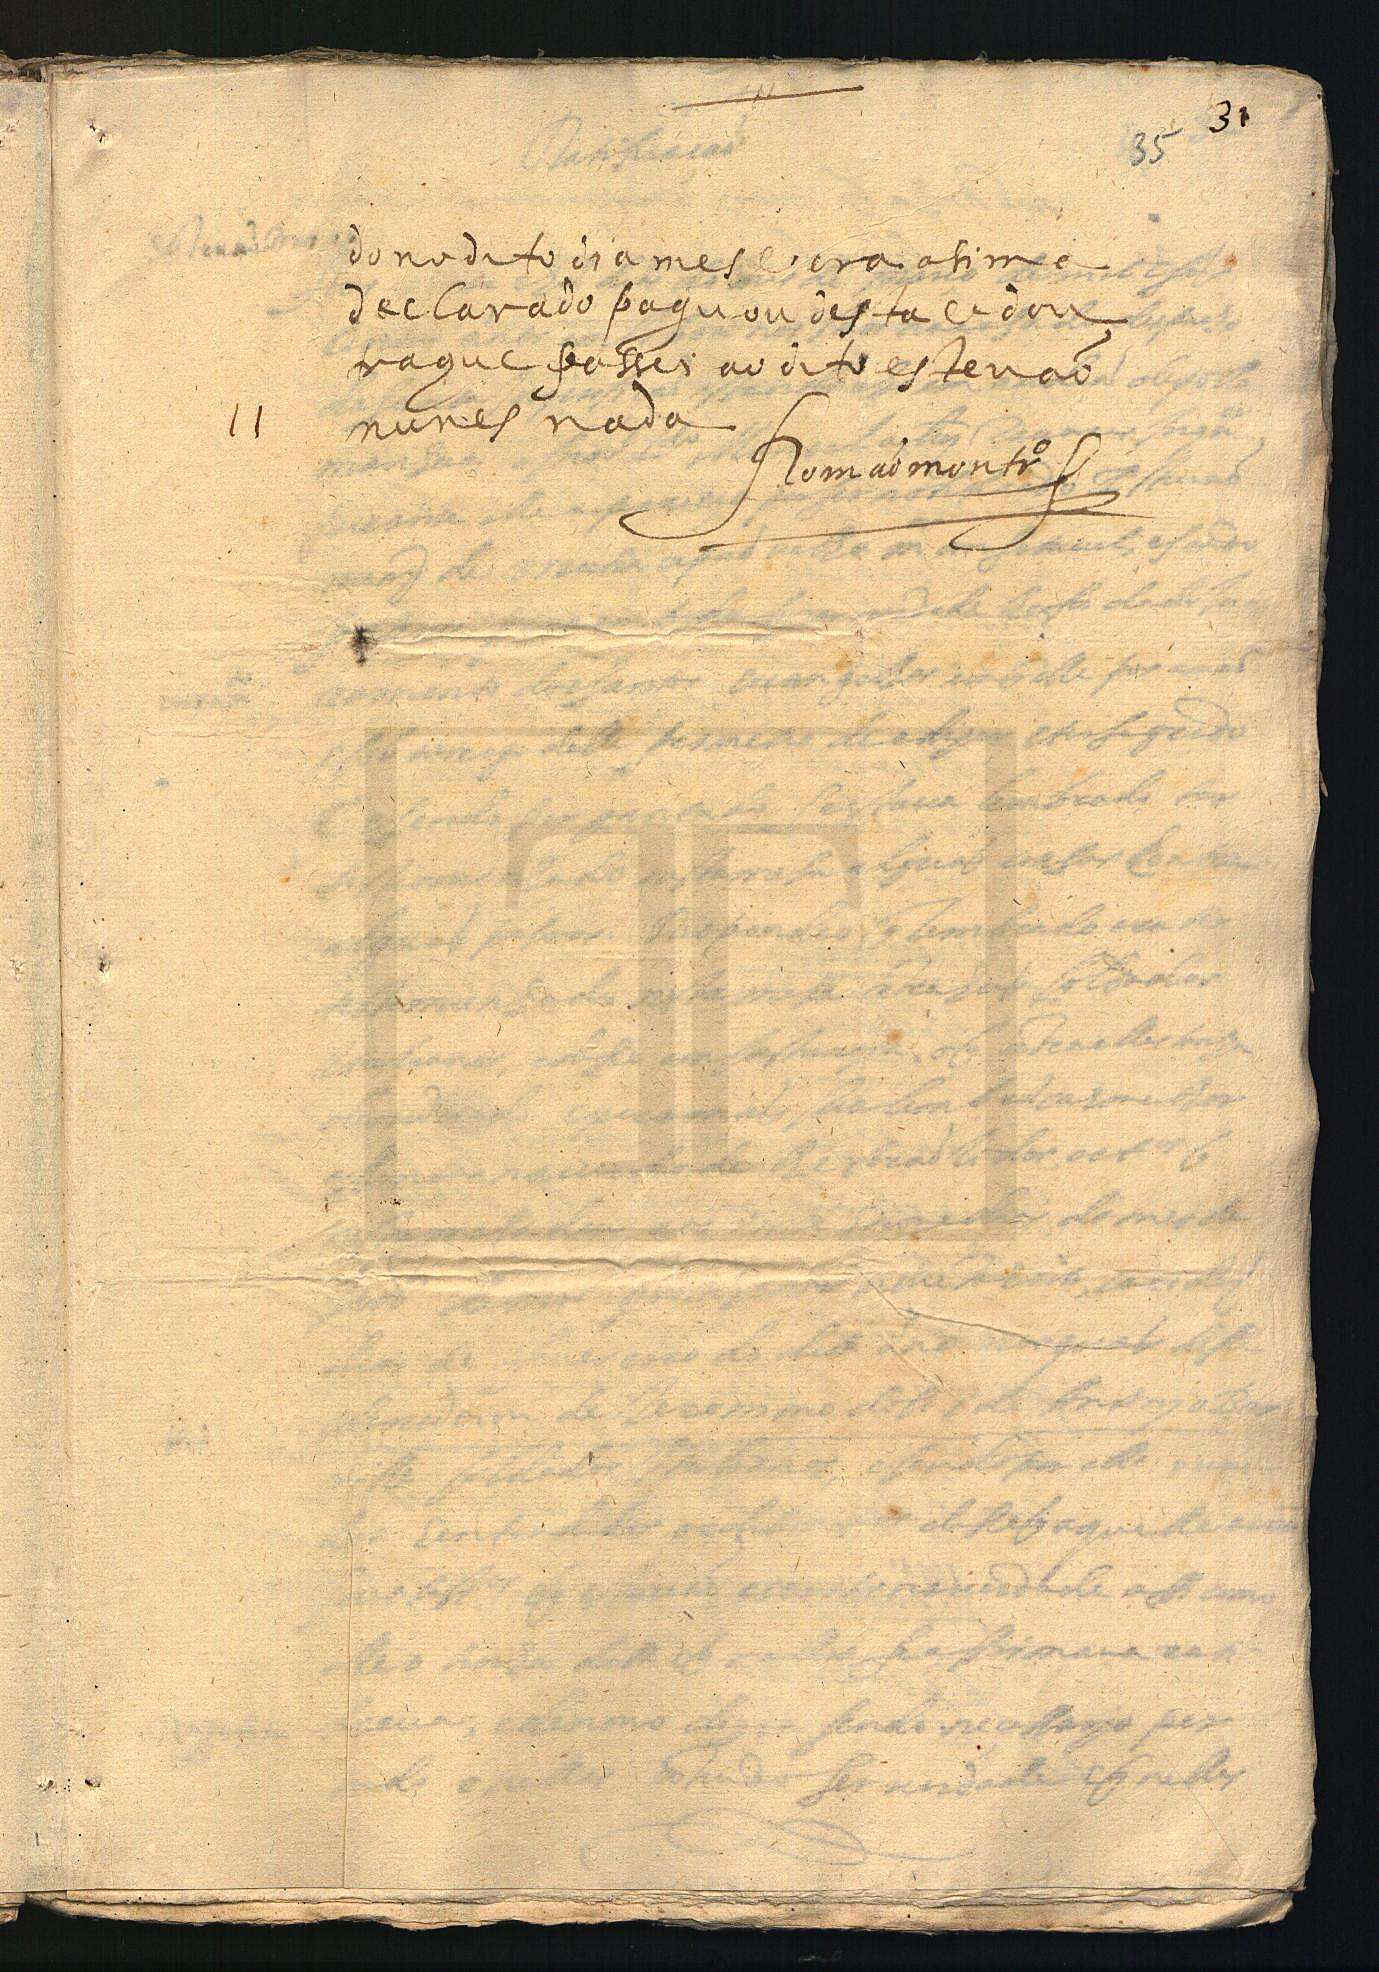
do no dito dia mes e era asima
declarado paguou desta & dou
tra que passei ao dito esteuaõ
nunes nada
Romaõ montro
